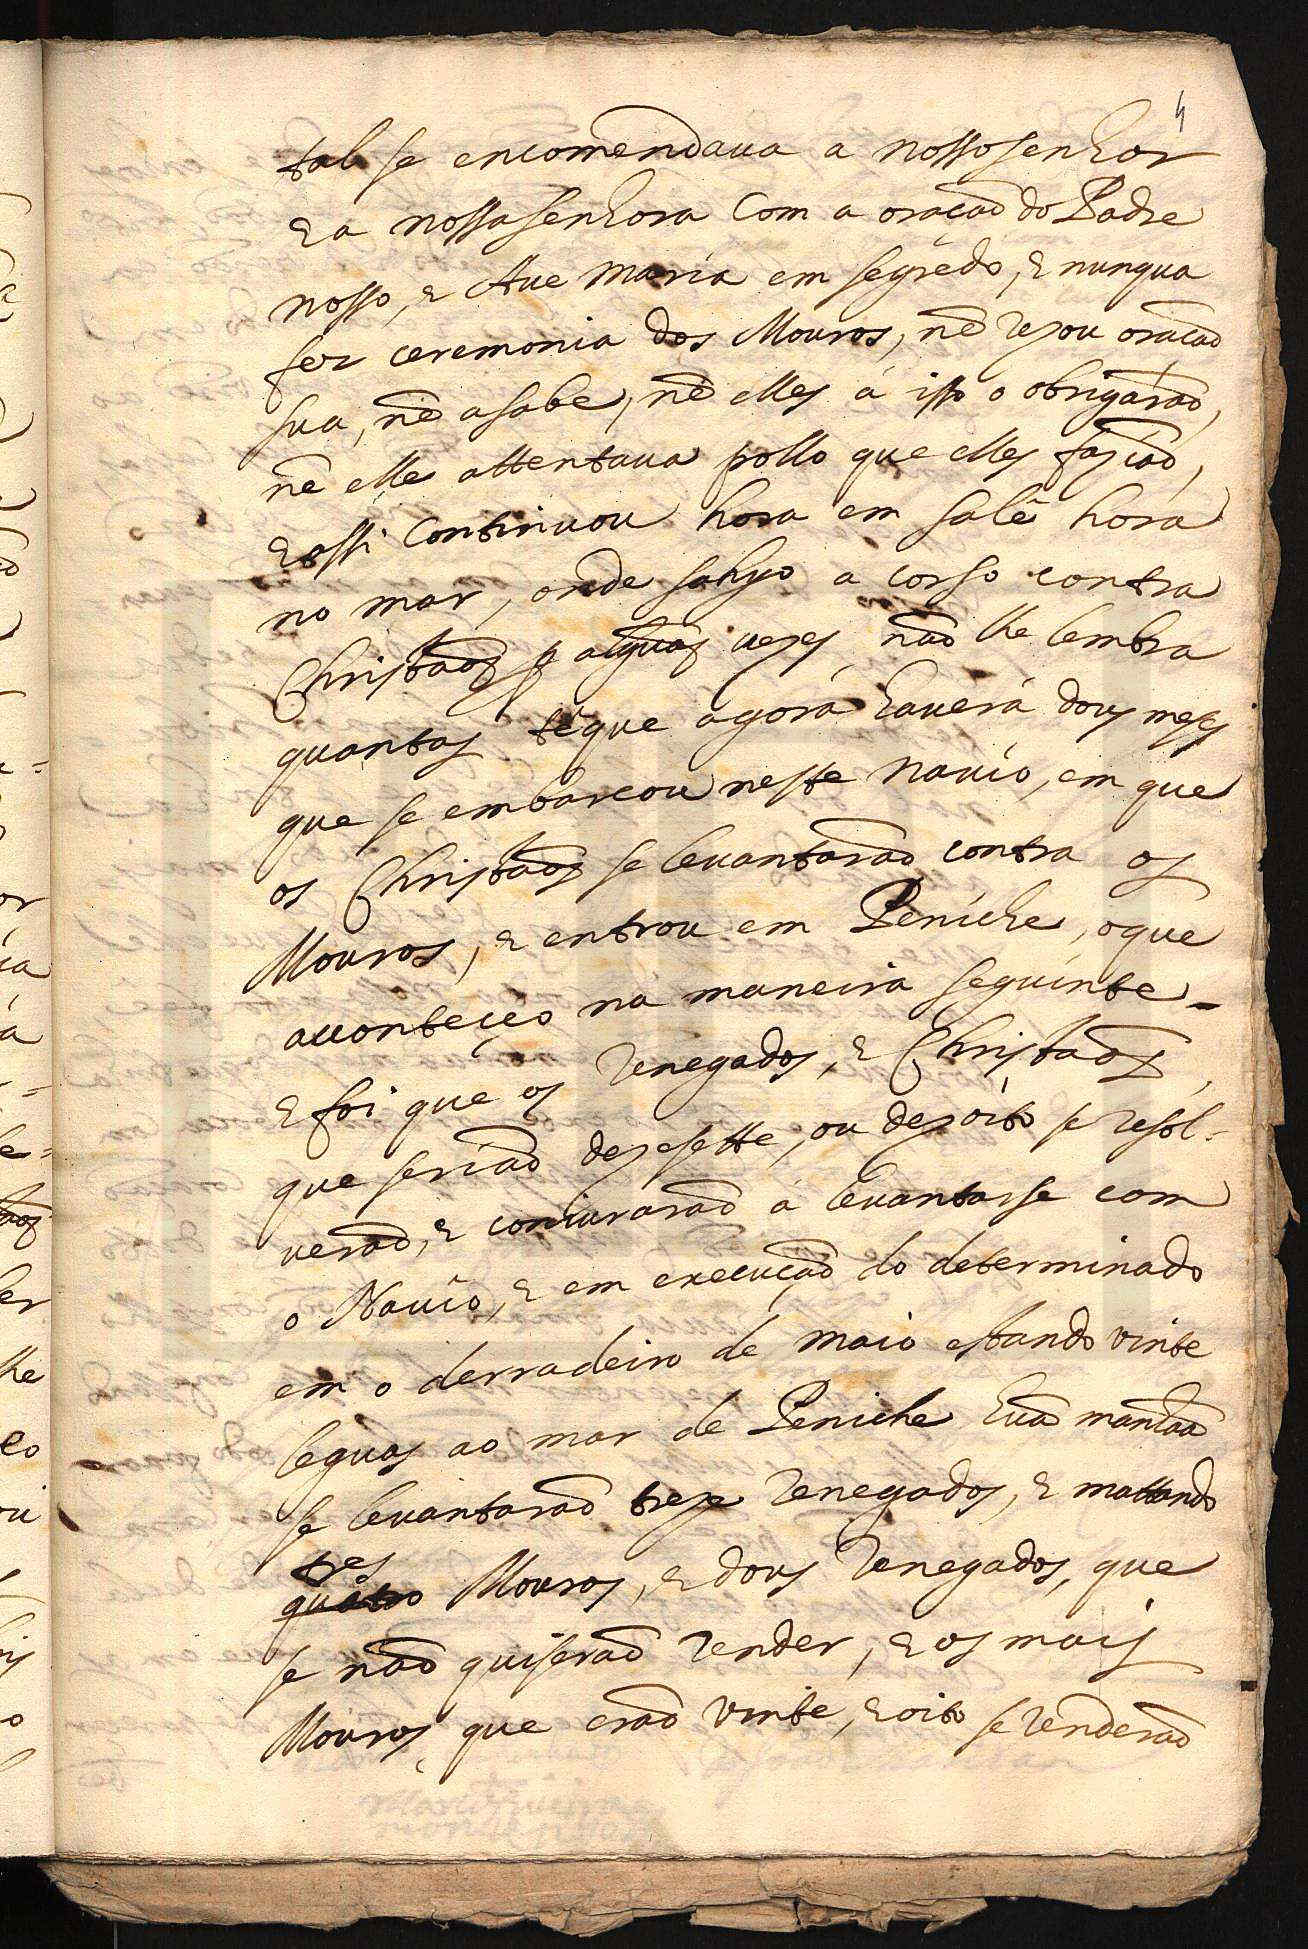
tal se encomendaua a nosso senhor
E a nossa Senhora com a oração do Padre
nosso, E Aue maria em segredo, E nunqua
fez ceremonia dos Mouros, nē Rezou oraçaõ
sua, nē a sabe, nē elles a isto o obrigarão
nē elle attentaua pollo que elles faziaõ
E assi continuou hora em Salē hora
no mar, onde sahyo a corso contra
Christãos ꝑ algūas uezes, naõ lhe lembra
quantas té que agora hauerá dous meses
que se embarcou neste nauio, em que
os Christãos se leuantarão contra os
Mouros, E entrou em Peniche, o que
aconteceo na maneira seguinte
E foi que os renegados, E Christaõs
que serião dezesette, ou dezoito se resol
uerão, E coniurarão a leuantarse com
o Nauio, E em execução do determinado
em o derradeiro de maio estando vinte
leguas ao mar de Peniche hua manhaā
se leuantarão treze Renegados, E mattando
quatro Mouros, E dous Renegados, que
se não quiserão render, E os mais
Mouros que erão vinte, e oito se renderão
